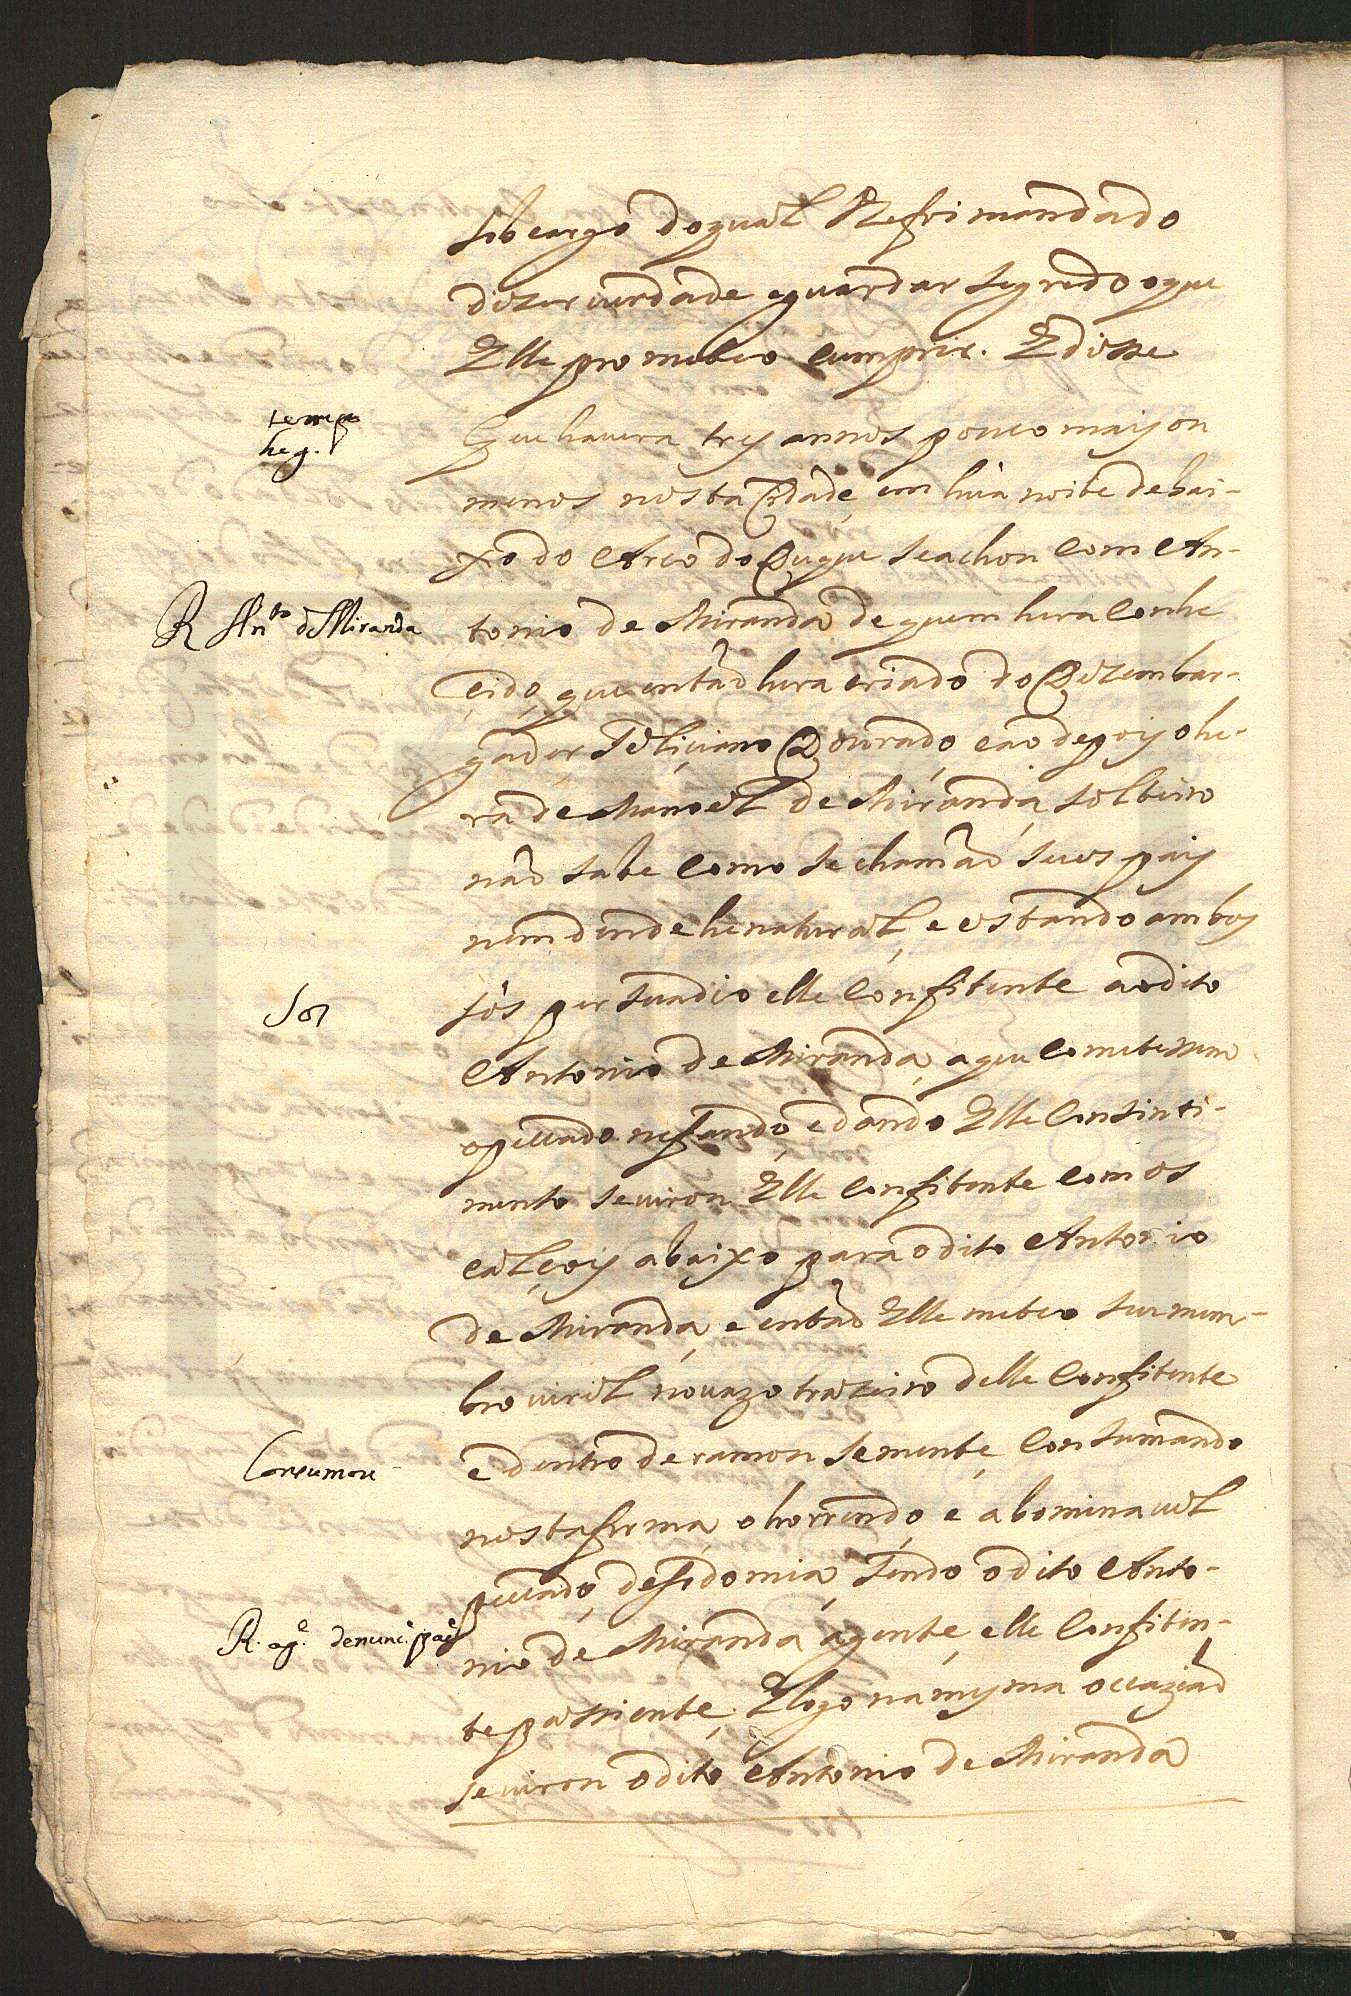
sob cargo do qual lhe foi mandado
dizer uerdade e guardar segredo o que
Elle prometeo cumprir. E disse
Que hauera tres annos pouco mais ou
menos nesta Cidade, em huā noite debai
xo do Arco do Duque se achou com An
tonio de Miranda de quem hera conhe
çido, que entaõ hera criado do Dezembar
gador Feliçiano Dourado e ao depois o he
ra de ManoeL de Miranda, solteiro
naõ sabe como se chamaõ seus pais
nem onde he naturaL e estando ambos
sós persuadio elle confitente ao dito
Antonio de Miranda, a que cometessem
o peccado nefando, e dando Elle consinti
mento se uirou Elle confitente com os
caLçois abaixo para o dito Antonio
de Miranda, e entaõ Elle meteo seu mem
bro uiriL no uazo trazeiro delle confitente
e dentro deramou semente, consumando
nesta forma, o horrendo, e abominaueL
peccado, de sodomia, sendo o dito Anto
nio de Miranda agente, elle confiten
te passiente; E logo na mesma occaziaõ
se uirou o dito Antonio de Miranda
tempo
lug.
R Anto d̄ Miranda
Sos
Consumou
R. ag.e denunc.e pace
